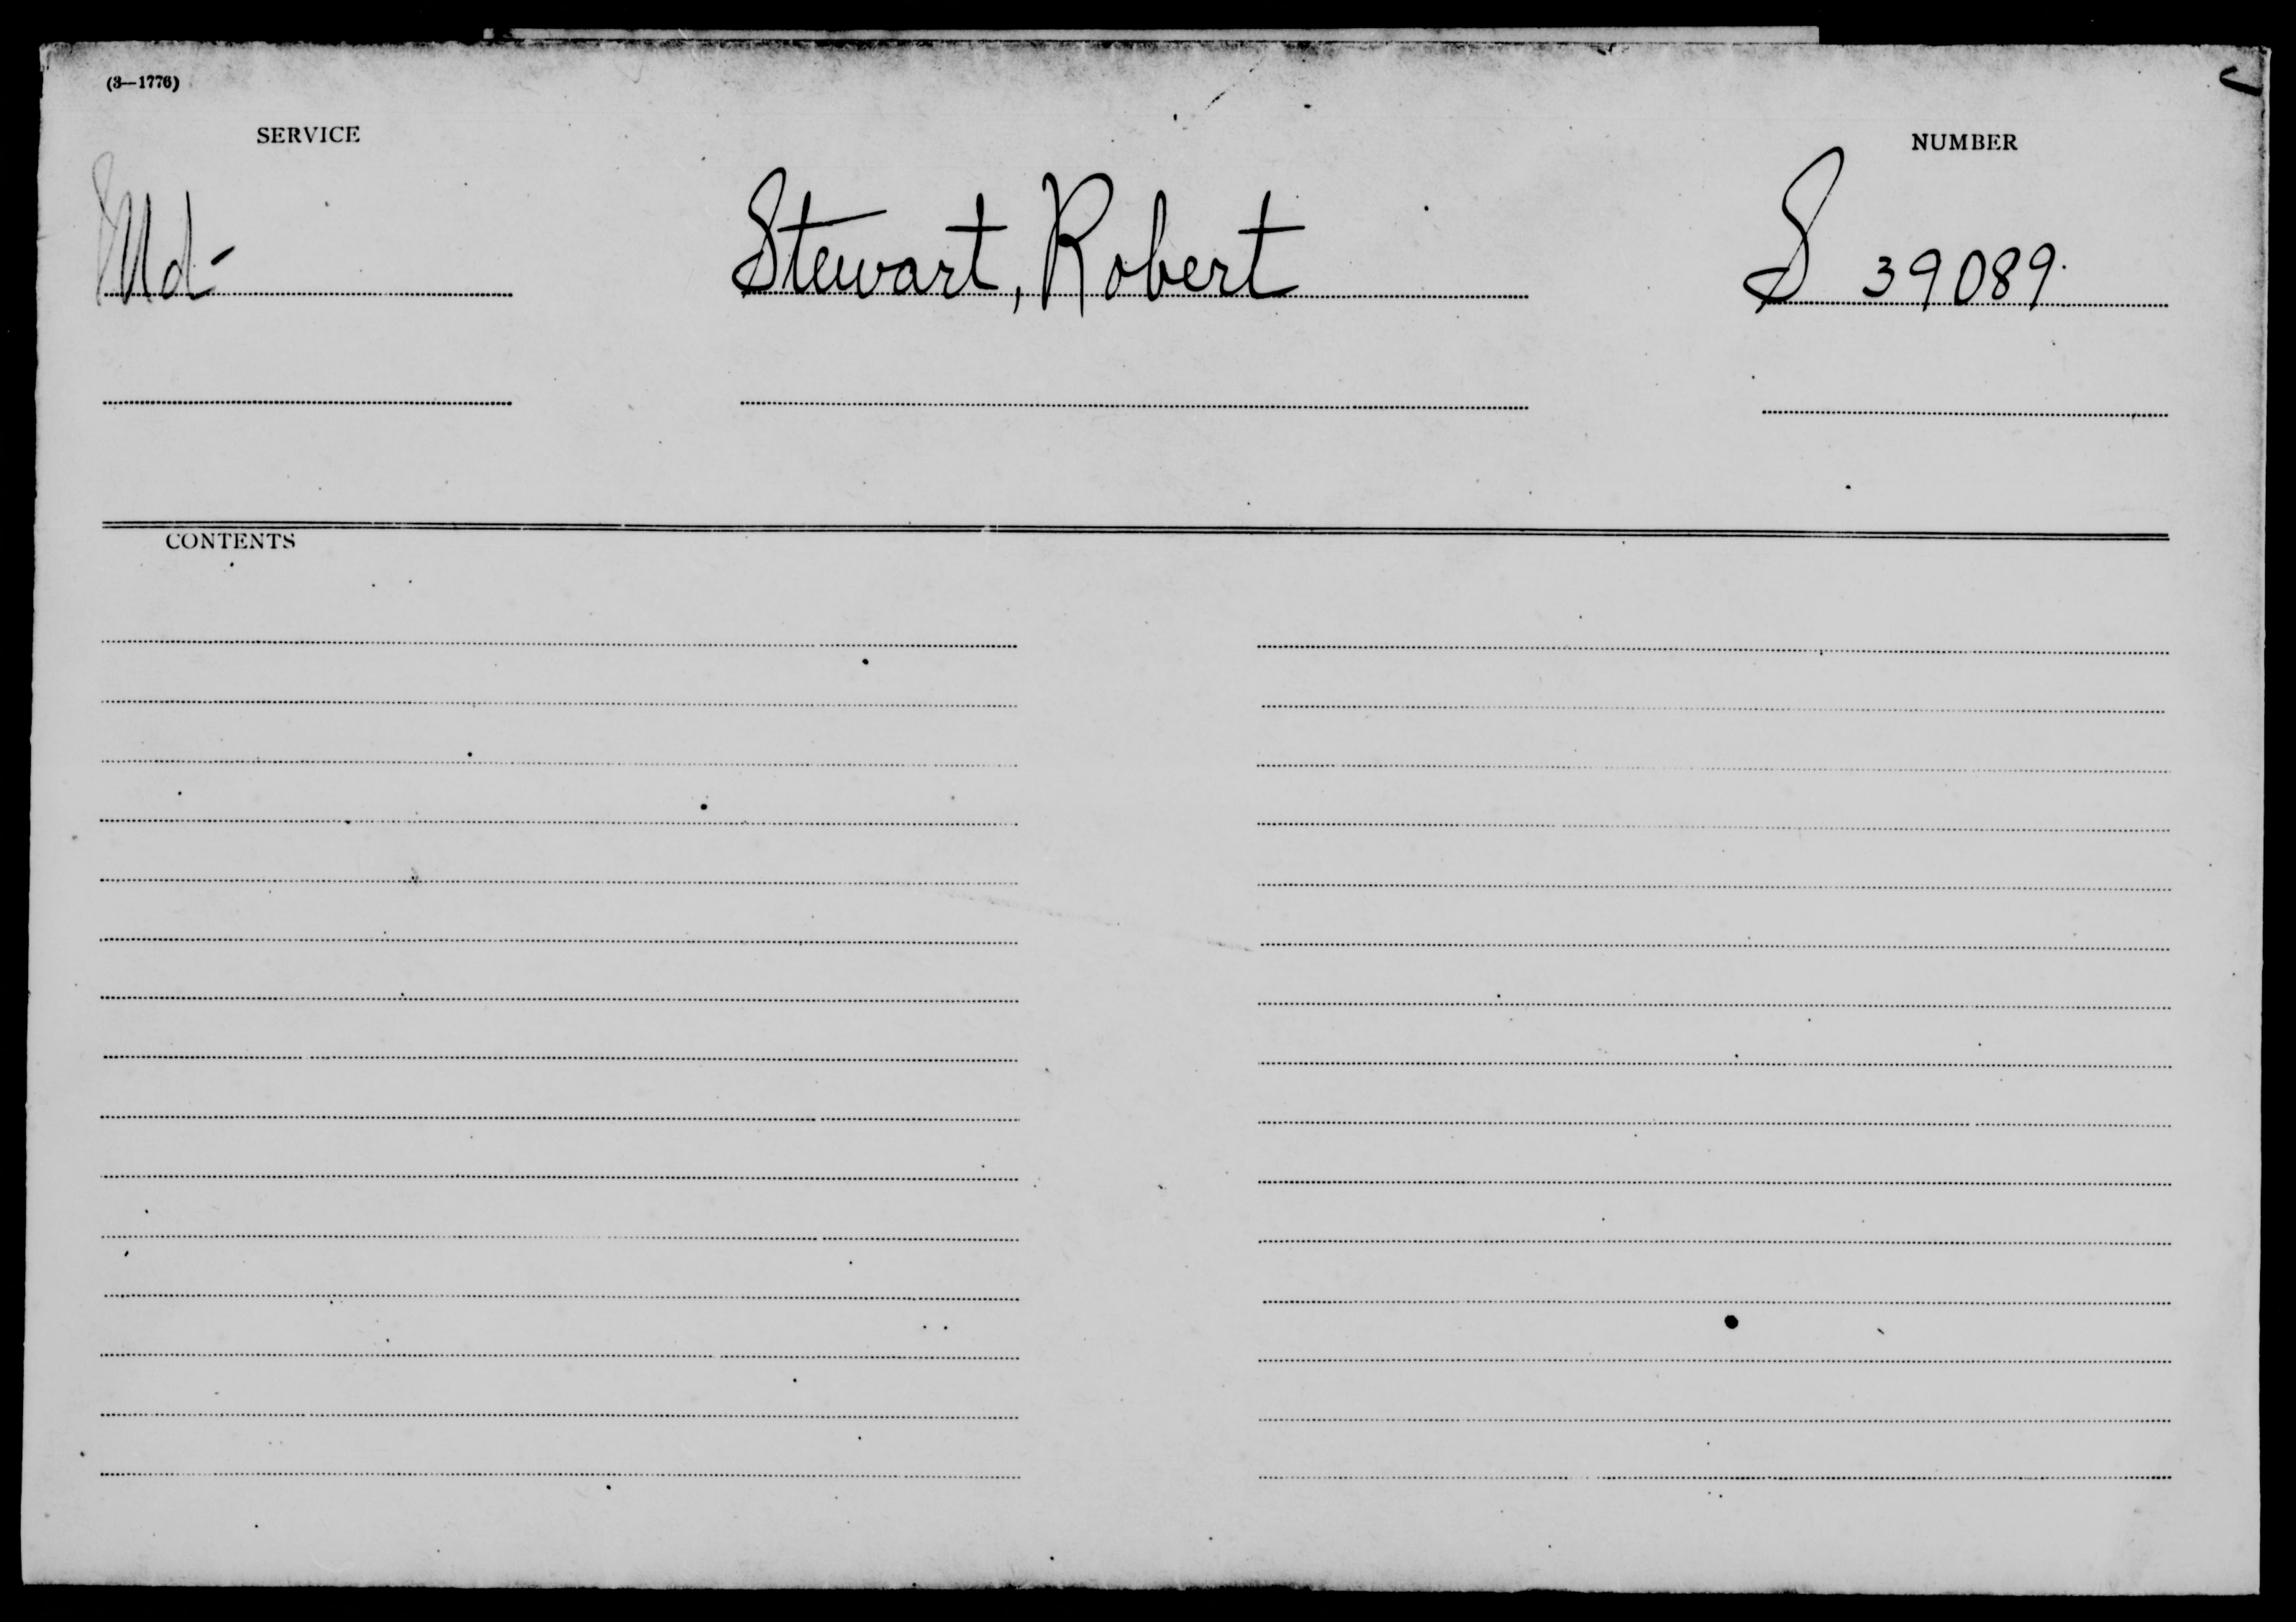(3-1776)
SERVICE | | NUMBER
Md- | Stewart, Robert | S 39089
CONTENTS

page: 1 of 15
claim: survivor's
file: S 39089, for Robert Stewart, Maryland